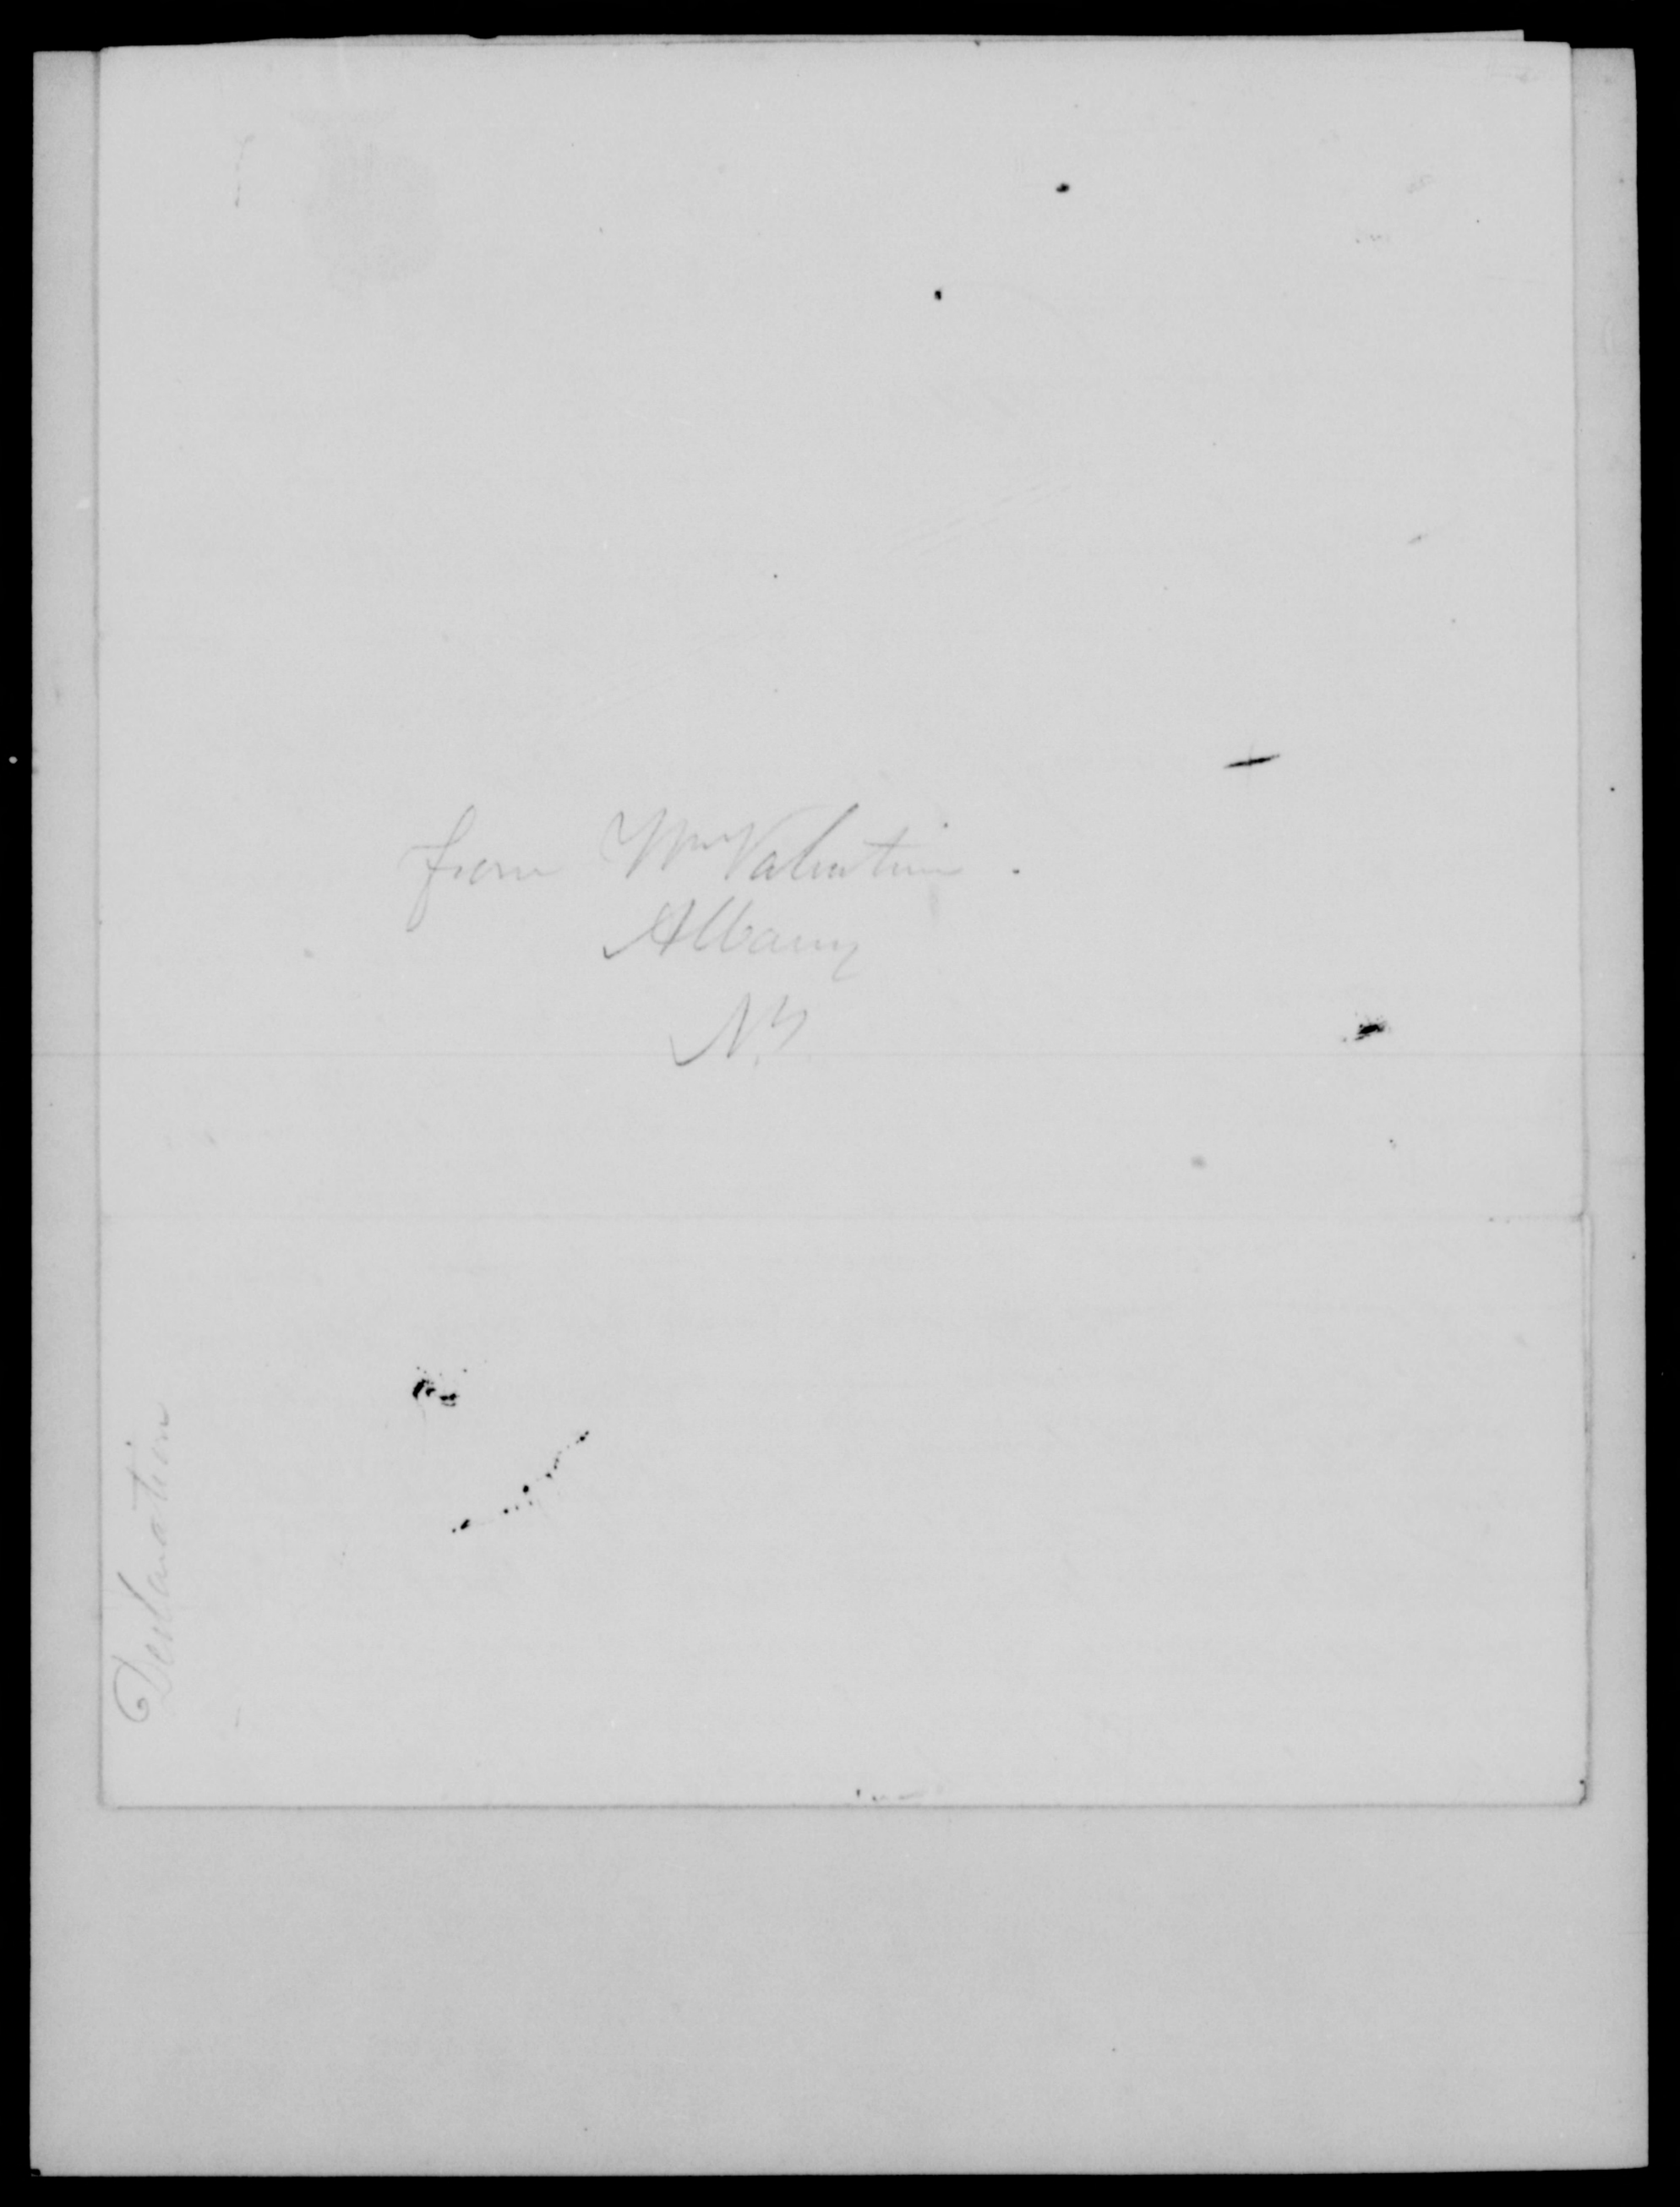from Wm. Valentine
Albany NY
Declaration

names: Wm Valentine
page: 86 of 87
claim: widow's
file: W. 22,226, for Nathan Slawson, Connecticut